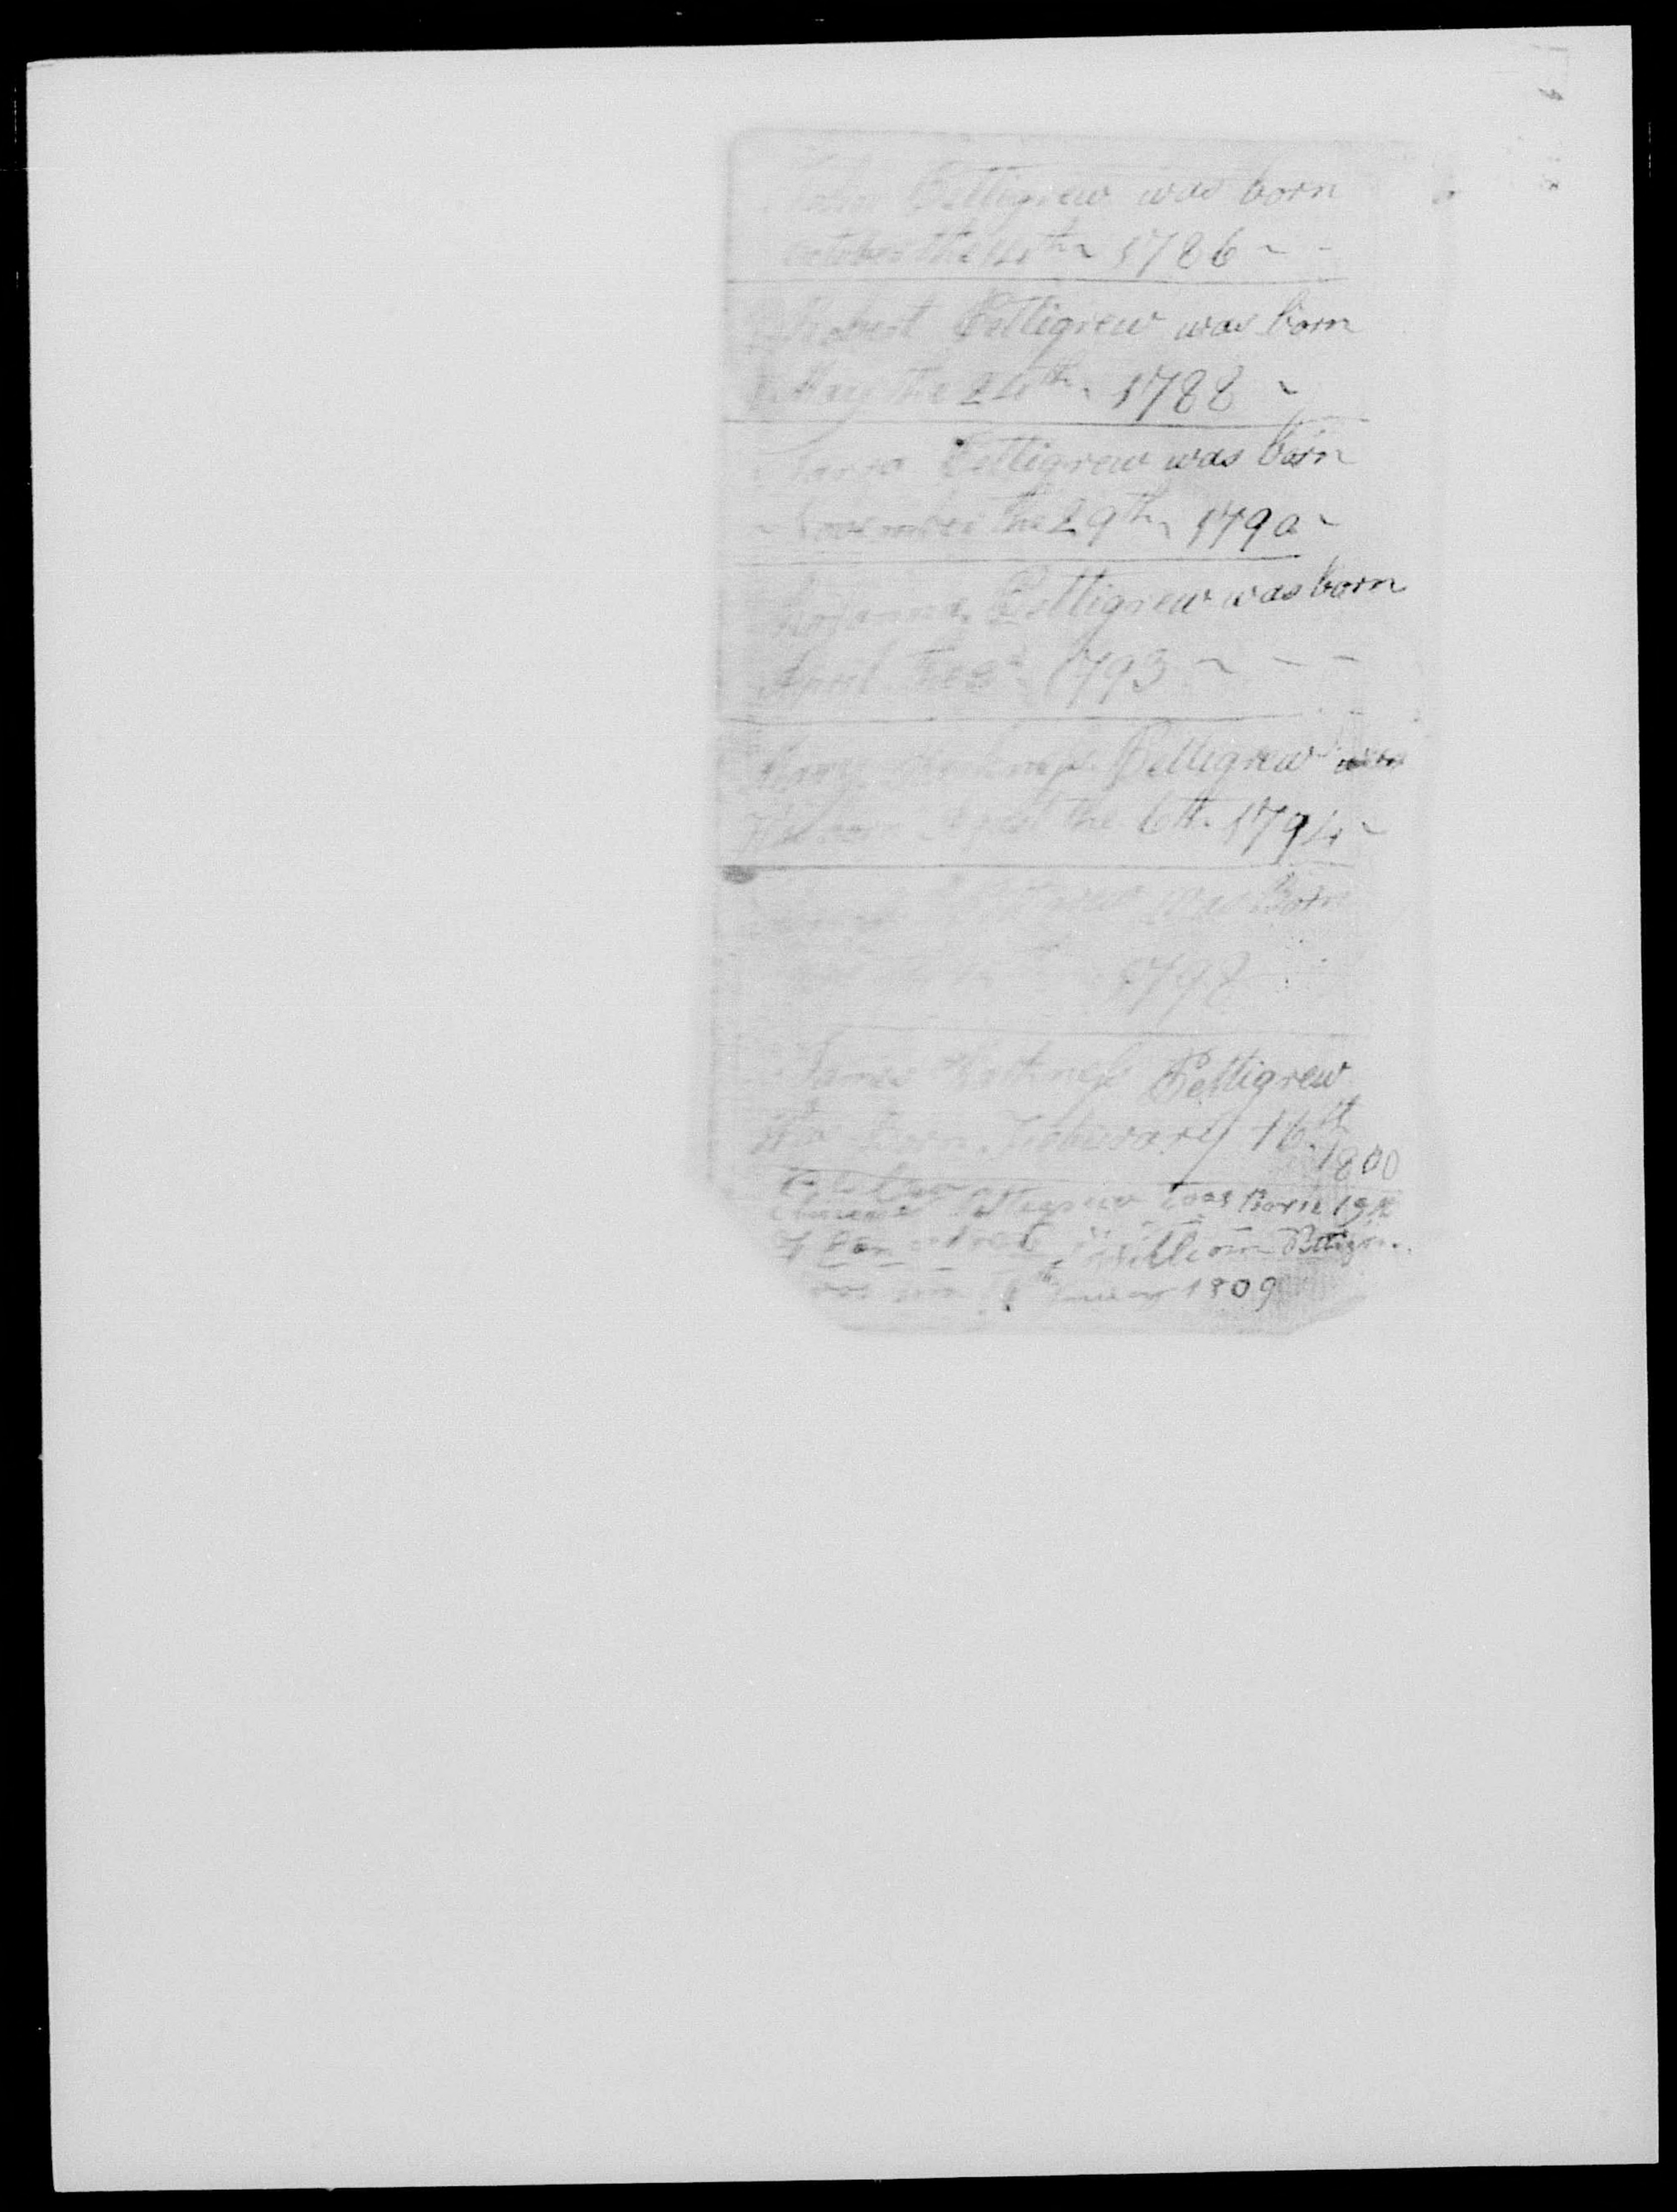John Pettigrew was born October the 14th 1786 
Robert Pettigrew was born May the 24th 1788 
Sarrra Pettigrew was born September the 29th 1790 
Rossannah Pettigrew was born April the 3rd 1793 
Mary Harkness Pettigrew born [illegible] the 6th. 1794
[illegible] Pettigrew was born [illegible] 1798
James Patrick Pettigrew was born February 16th. 1800
[illegible] Pettigrew was born [illegible]
of [illegible] William Pettigrew
[illegible] 11th February 1809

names: George Henry Bettigrew; John Pettigrew; William Pettigrew; Robert Pettigrew; Sarra Pettigrew; Anthony Pettigrew; Hanna Pettigrew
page: 31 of 92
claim: widow's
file: W. 5522, for James Pettigrew, South Carolina